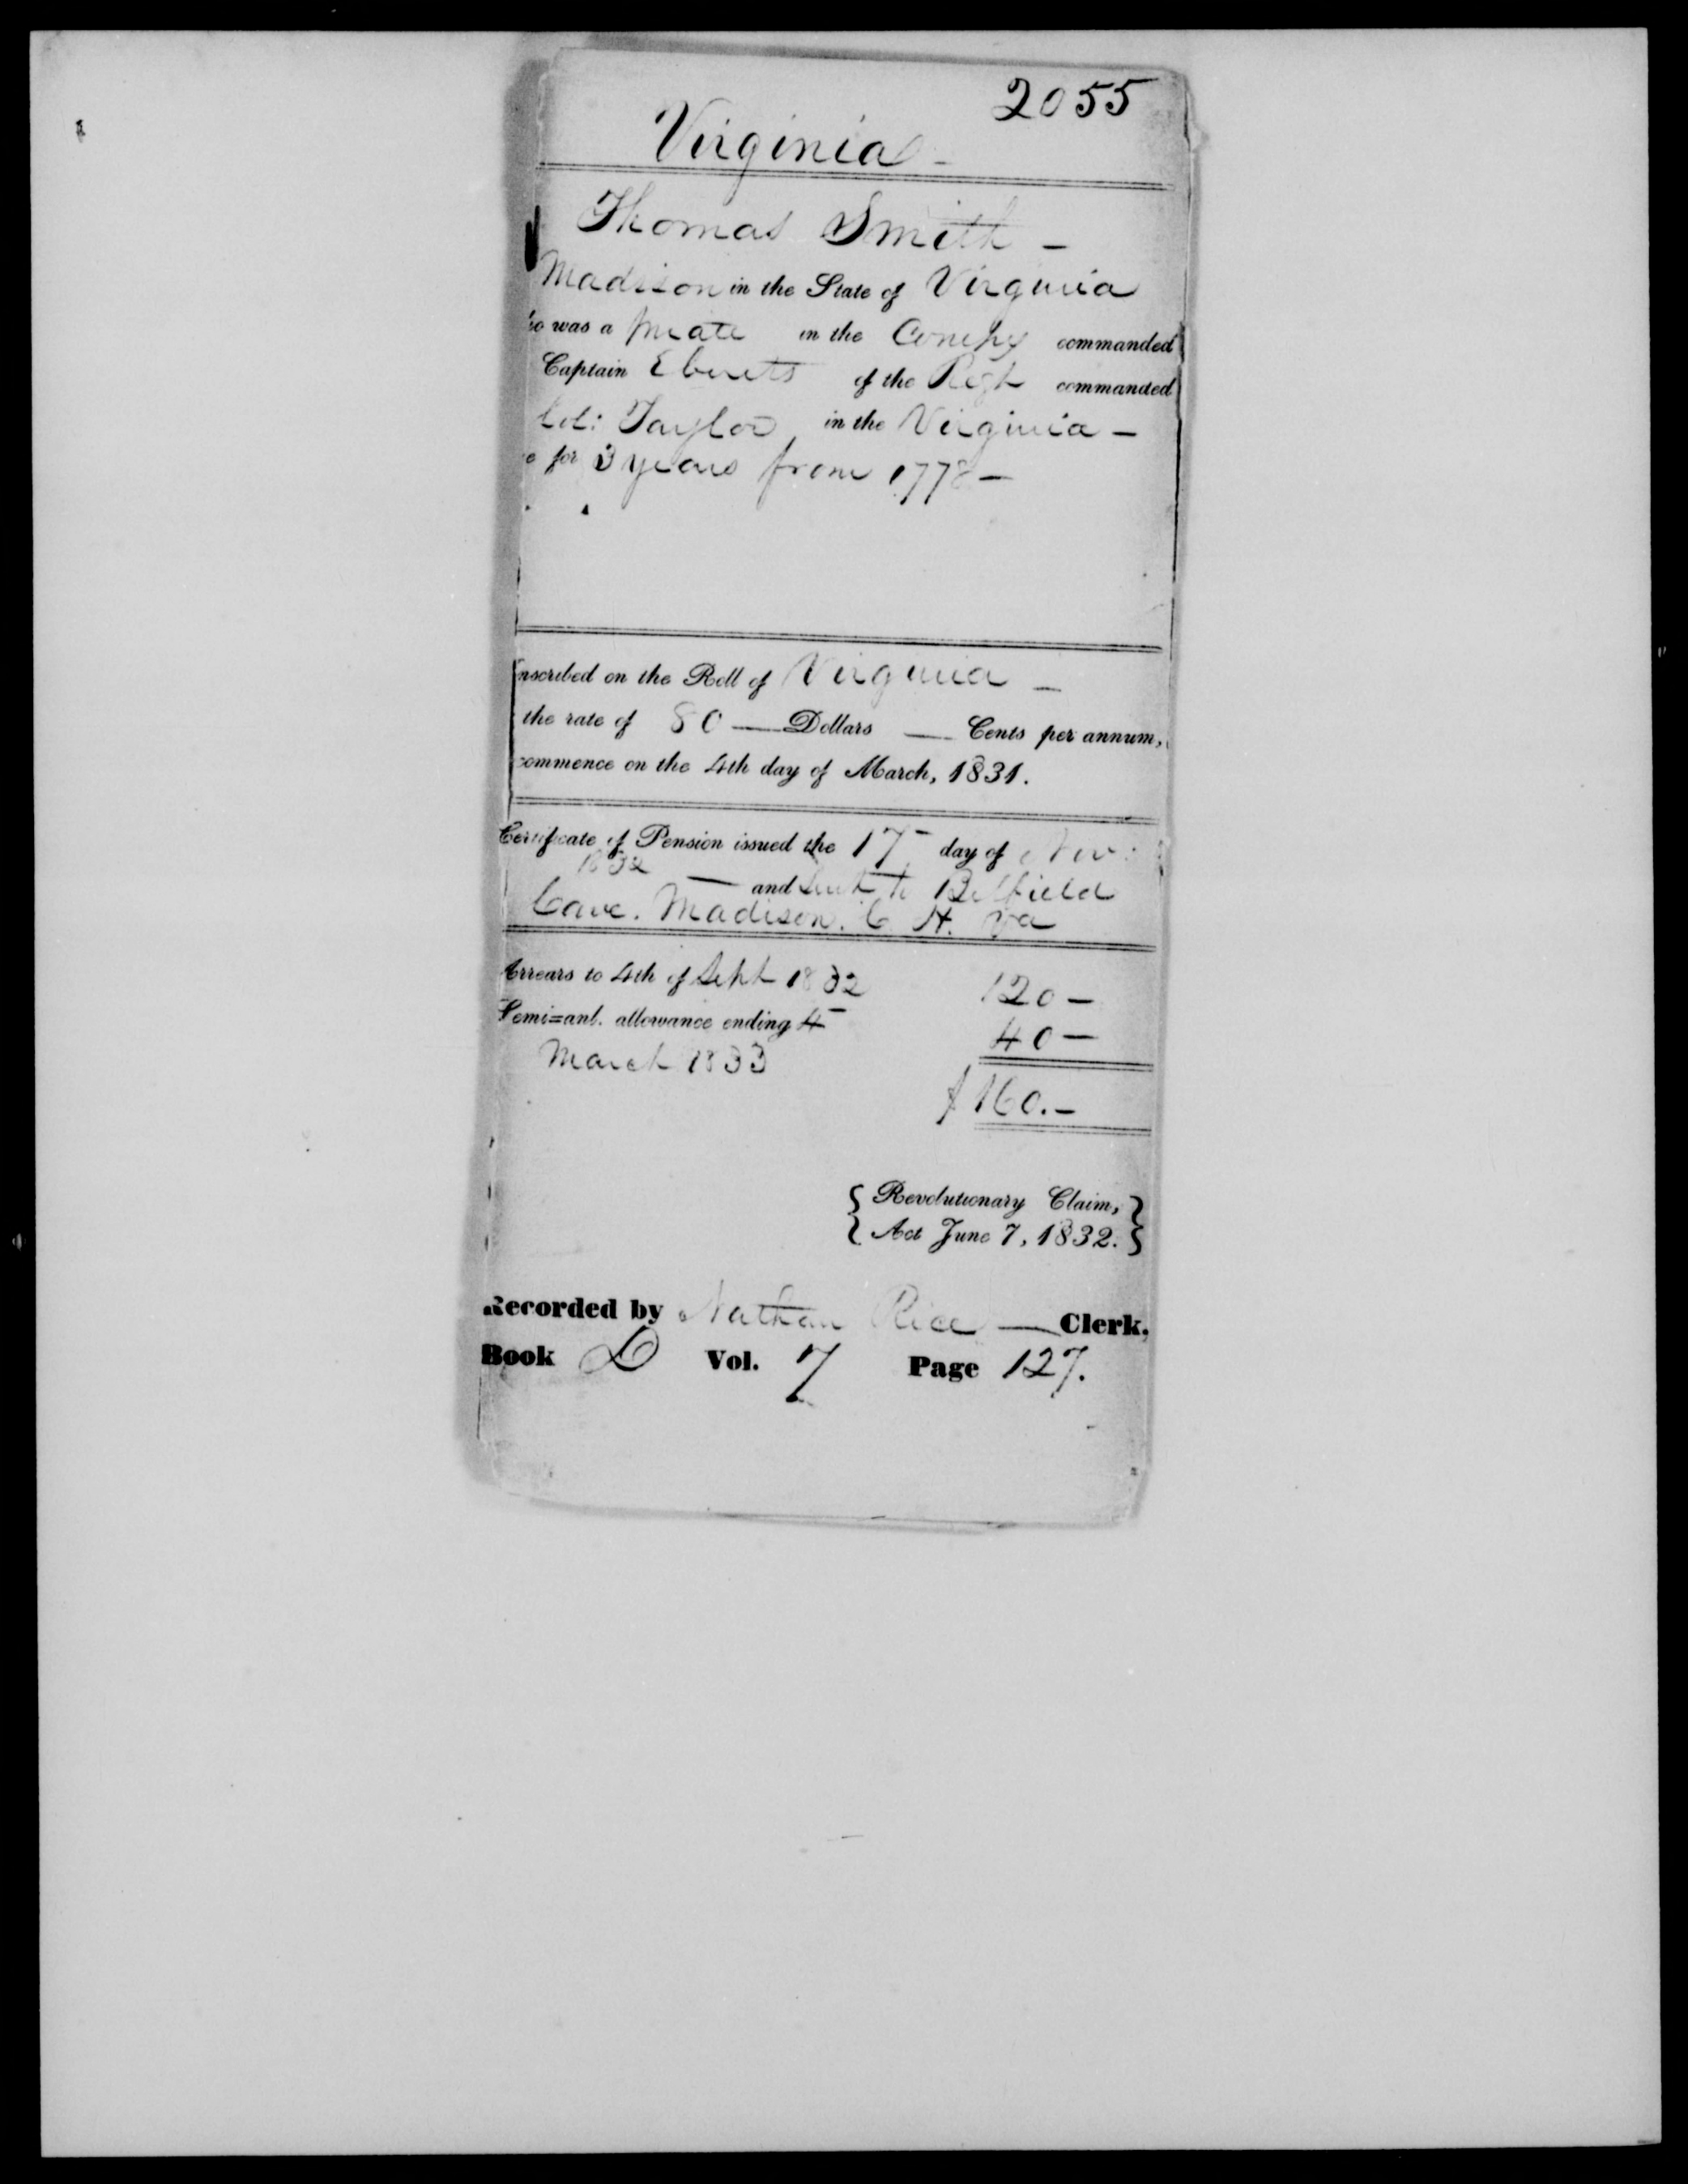2055
Virginia
Thomas Smith = --- Madison in the State of Virginia was a mate in the Company commanded Captain Eberts of the Regt commanded Col. Taylor, in the Virginia for 3 years from 1778-

Inscribed on the Roll of Virginia- the rate of 80 Dollars - Cents per annum, commence on the 4th day of March, 1831. Certificate of  Pension issued the 17 day of Nov 1832 and sent to battlefield Cave, Madison, Cty. Va
Arrears to 4th of Sept 1832
Semi=anl. allowance ending 4 March 1833 
120- 40-$160-
Revolutionary Claim, Act June 7, 1832.
Recorded by Nathan Rice -Clerk,Book D Vol. 7 Page 127.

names: Nathan Rice; [BLANK] Eberets; Thomas Smith; [BLANK] Taylor; Belfield Cave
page: 2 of 23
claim: survivor's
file: S. 6,125, for Thomas Smith, Virginia